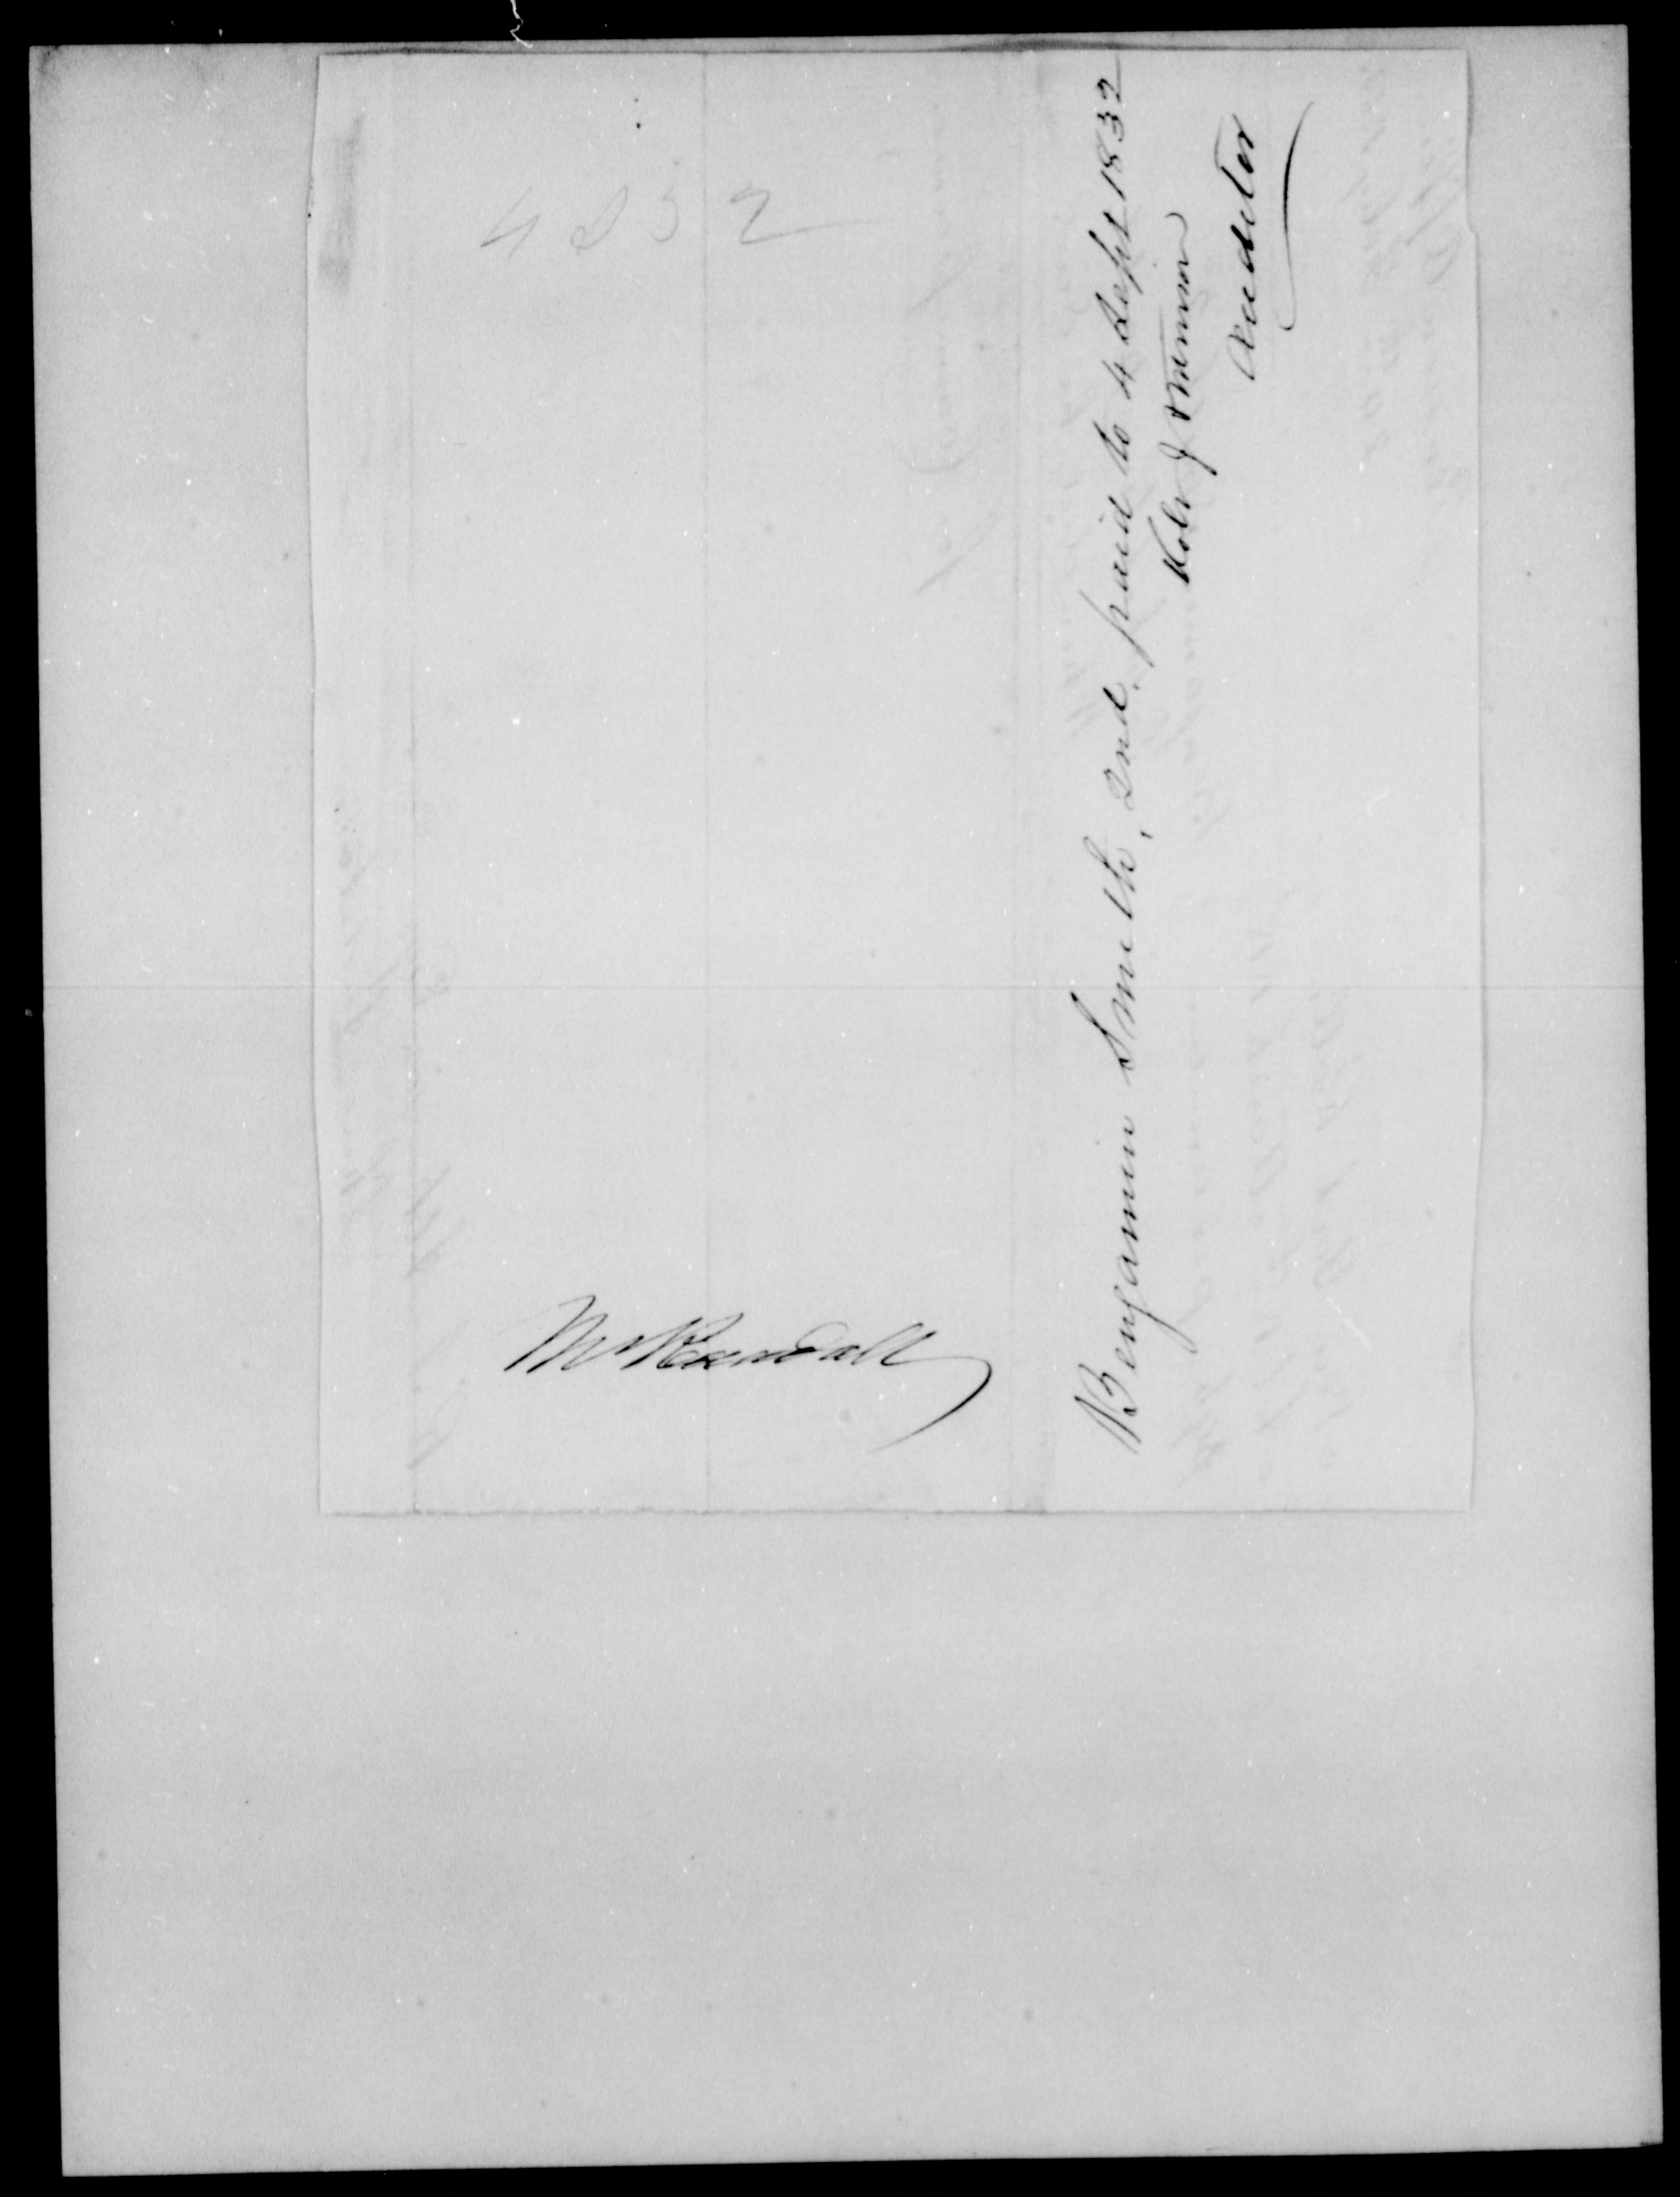4S52
Mr. Randall

[right side vertical]
Benjamin Smith, 2nd. Paid to 4 Sept 1832
[illegible]
Auditor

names: Benjamin Smith; [BLANK] Minson; [BLANK] Randall; Kole J [BLANK]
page: 15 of 16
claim: survivor's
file: S. 42341, for Benjamin Smith, Rhode Island